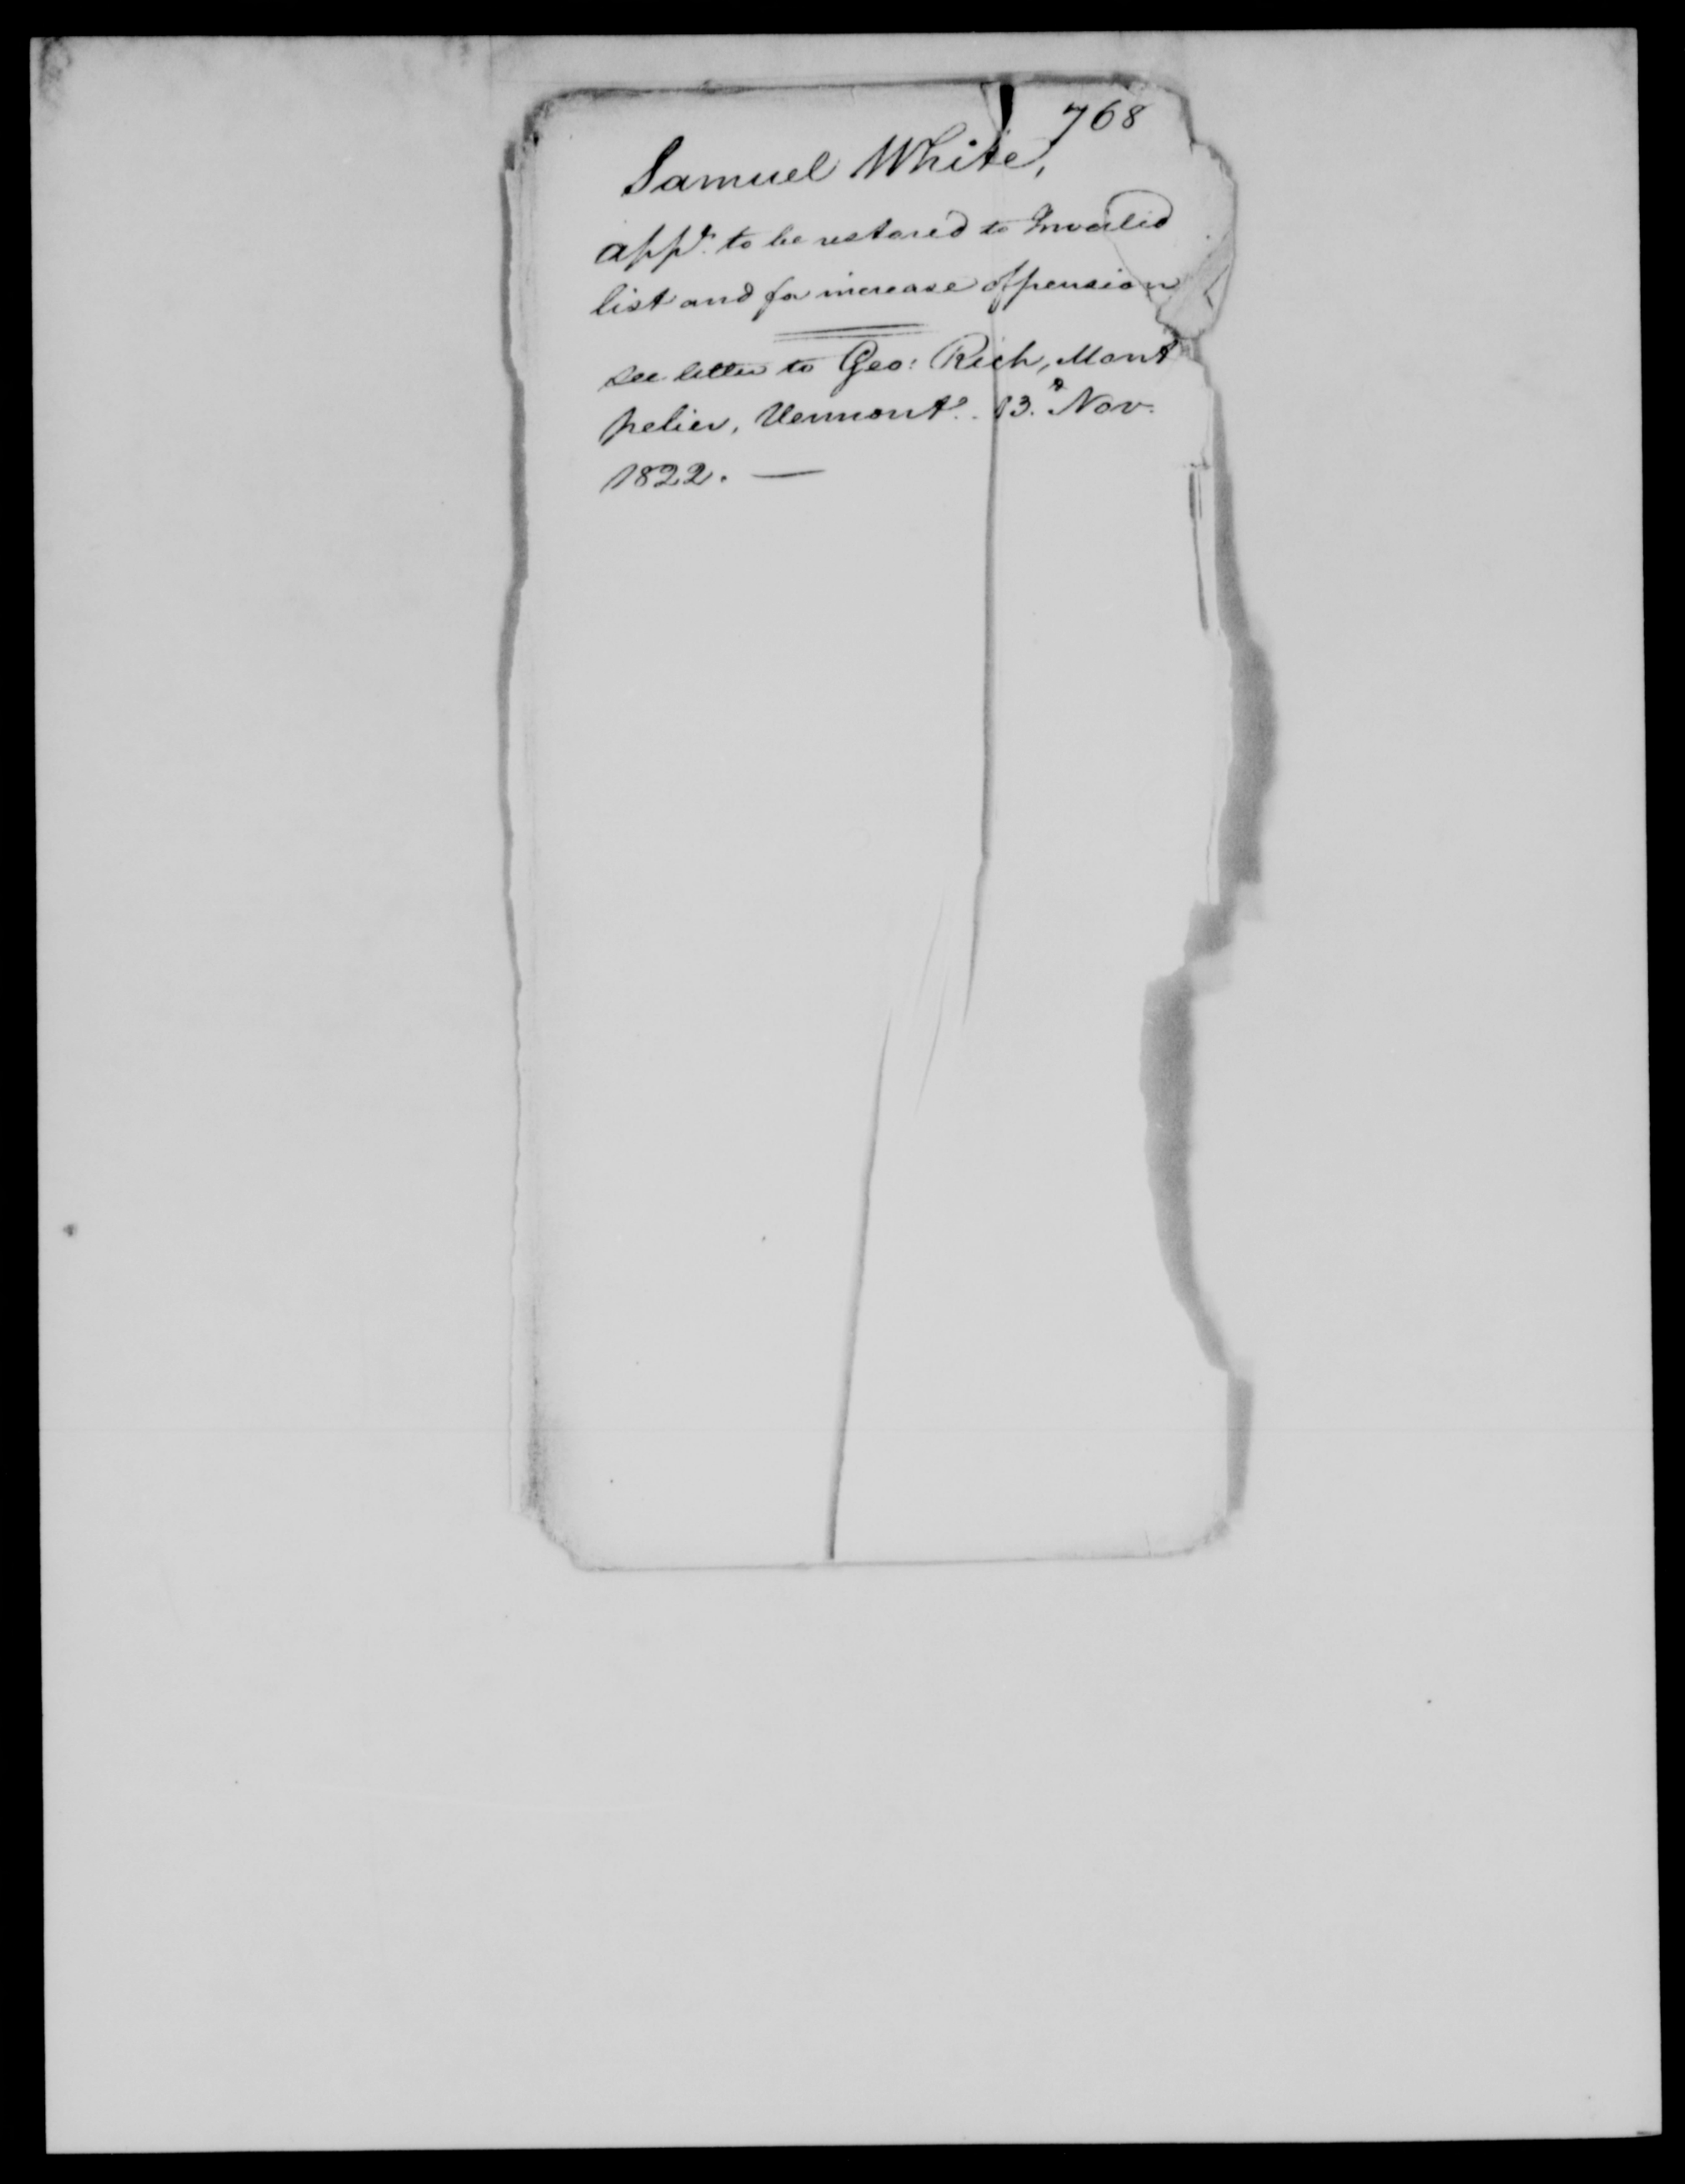768
Samuel White
app. to be restored to invalid list and for increas of pension

See letter to Geo. Rich, Montpelier, Vermont
13th Nov. 1822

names: Geo Rich, Samuel White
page: 25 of 79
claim: survivor's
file: S. 11759, Samuel White, Mass.